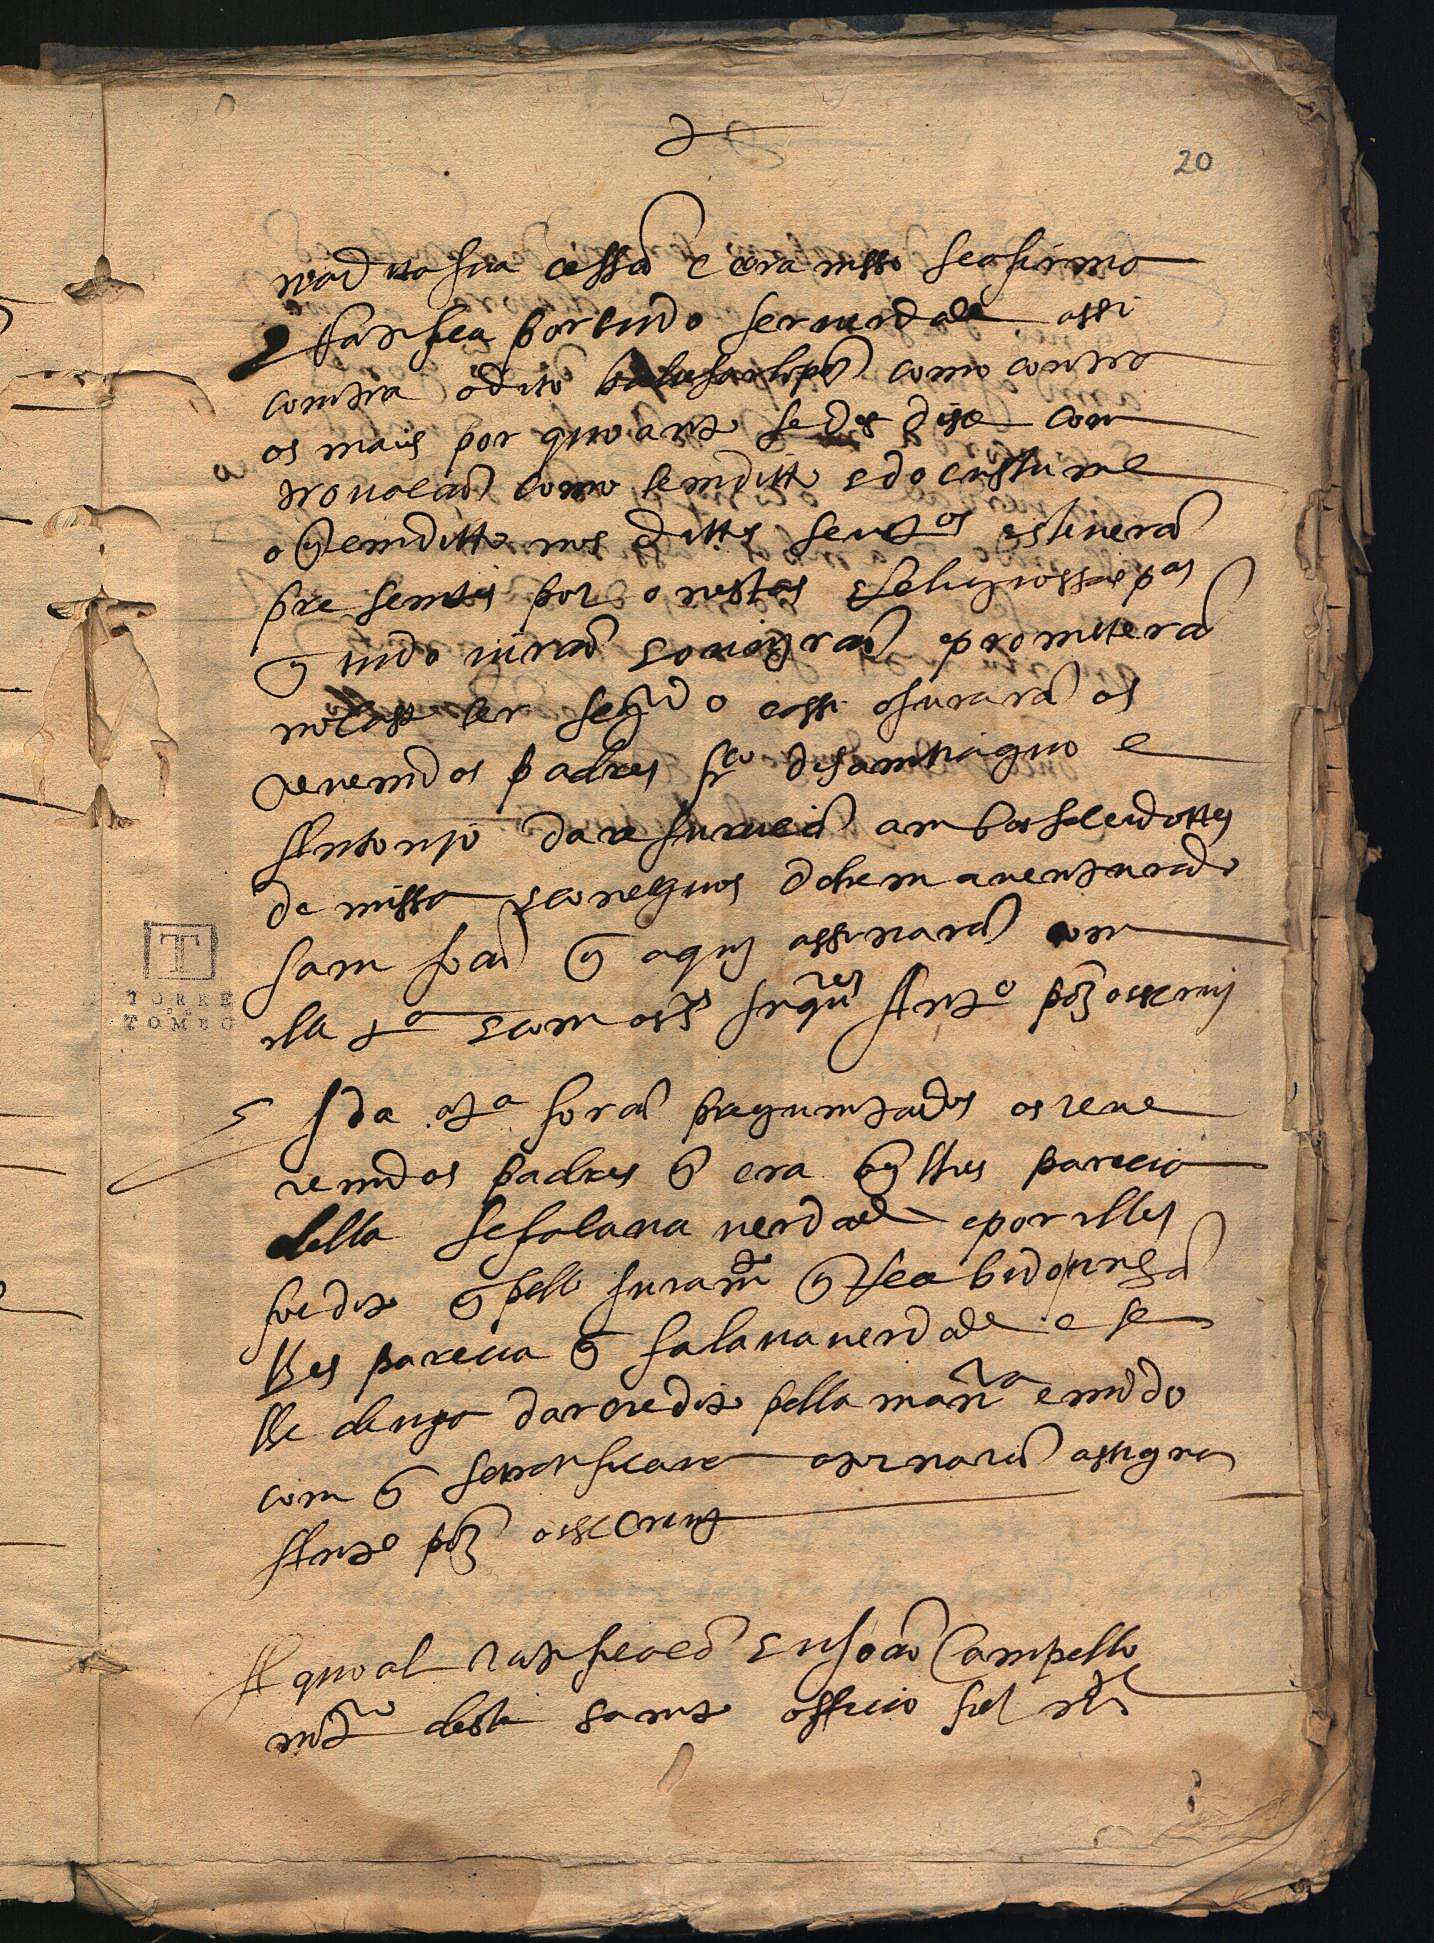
na dita sua cessaõ e oora nisso se afirma
E Ratifica por tudo ser uerdade assi
comtra o dito baltesar lopez̄ como contra
os mais porquoanto se desdise com
trouacaõ como tem ditto E do custume
o q̄ tem ditto nos dittos seus tos Estiueraõ
presemtes por onestas E religiossas pas
q̄ tudo uiraõ E ouujraõ e prometeraõ
no casso ter seḡdo e assi o juraraõ os
Reueremdos padres frco de samtiaguo e
Antonjo da resureicaõ ambos sacerdottes
de missa E coneguos do bem auenturado
sam Joaõ q̄ aquj assinaraõ com
elle ta E com os srs Jnqures Anto piz̄ o escruj
E Jda a ta foraõ pregumtados os reue
remdos padres q̄ era o q̄ lhes parecia
della se falaua uerdade e por elles
foi dito q̄ pello Juramto q̄ Recebido tinhaõ
lhes parecia q̄ falaua uerdade e se
lhe deuja dar credito pella manra e modo
com q̄ se ratificara a tornaraõ assignar
Anto piz̄ o esccreuj
A quoal ratificacō Eu Joaõ Campello
notro deste samto officio fielmte
